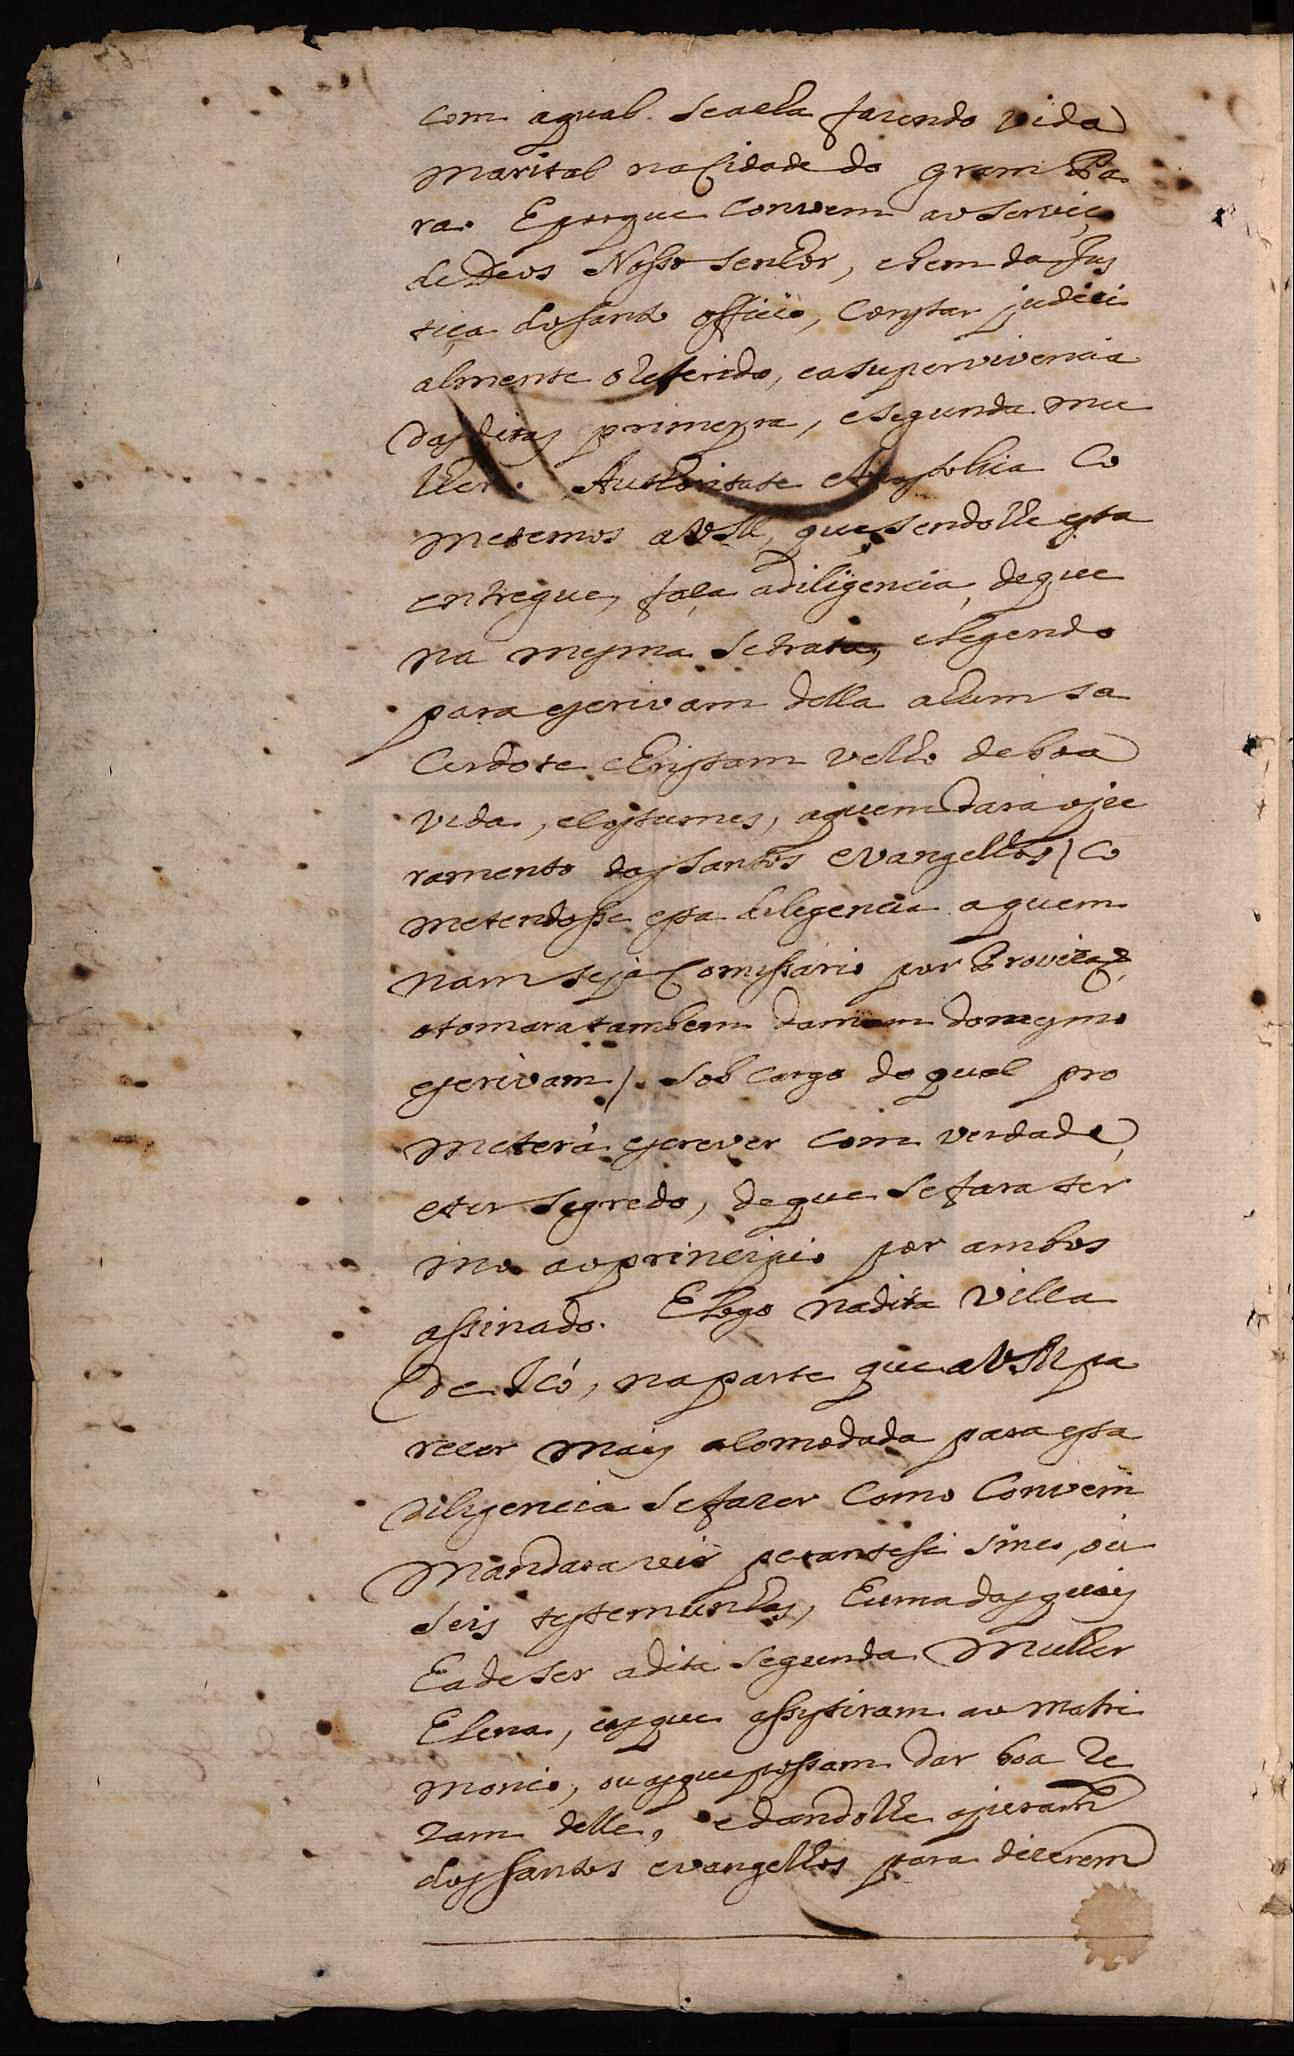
com a qual se acha fazendo vida
marital na Cidade do gram Pa
ra. E porque convem ao serviço
de Deos Nosso senhor, e bem da Jus
tiça do santo officio, constar judici
almente o Referido, e a supervivencia
das ditas primeyras e segunda mu
lher Authoritate A_ostolica co
metemos a VM, que sendolhe esta
entregue, faça a diligencia, de que
na mesma se trata, elegendo
para escrivam della a hum sa
cerdote christam velho de boa
vida, e costumes, a quem dara o ju
ramento dos Santos evangelhos, co
metendosse esta deligencia a quem
nam seja Comissario por Provizaõ,
o tomara tambem da mam do mesmo
escrivam / sob cargo do qual pro
meterá escrever com verdade
e ter segredo, de que se fara ter
mo ao principio por ambos
assinado. E logo na dita villa
de Icó, na parte que a VM pa
recer mais acomodada para esta
diligencia se fazer como convem
mandara vir perante si sinco, ou
seis testemunhas, huma das quaes
ha de ser a dita segunda mulher
Elena, e as que assistiram ao matri
monio, ou as que possam dar boa Re
zam delle, e dandolhe o juramto
dos santos evangelhos para dizerem
